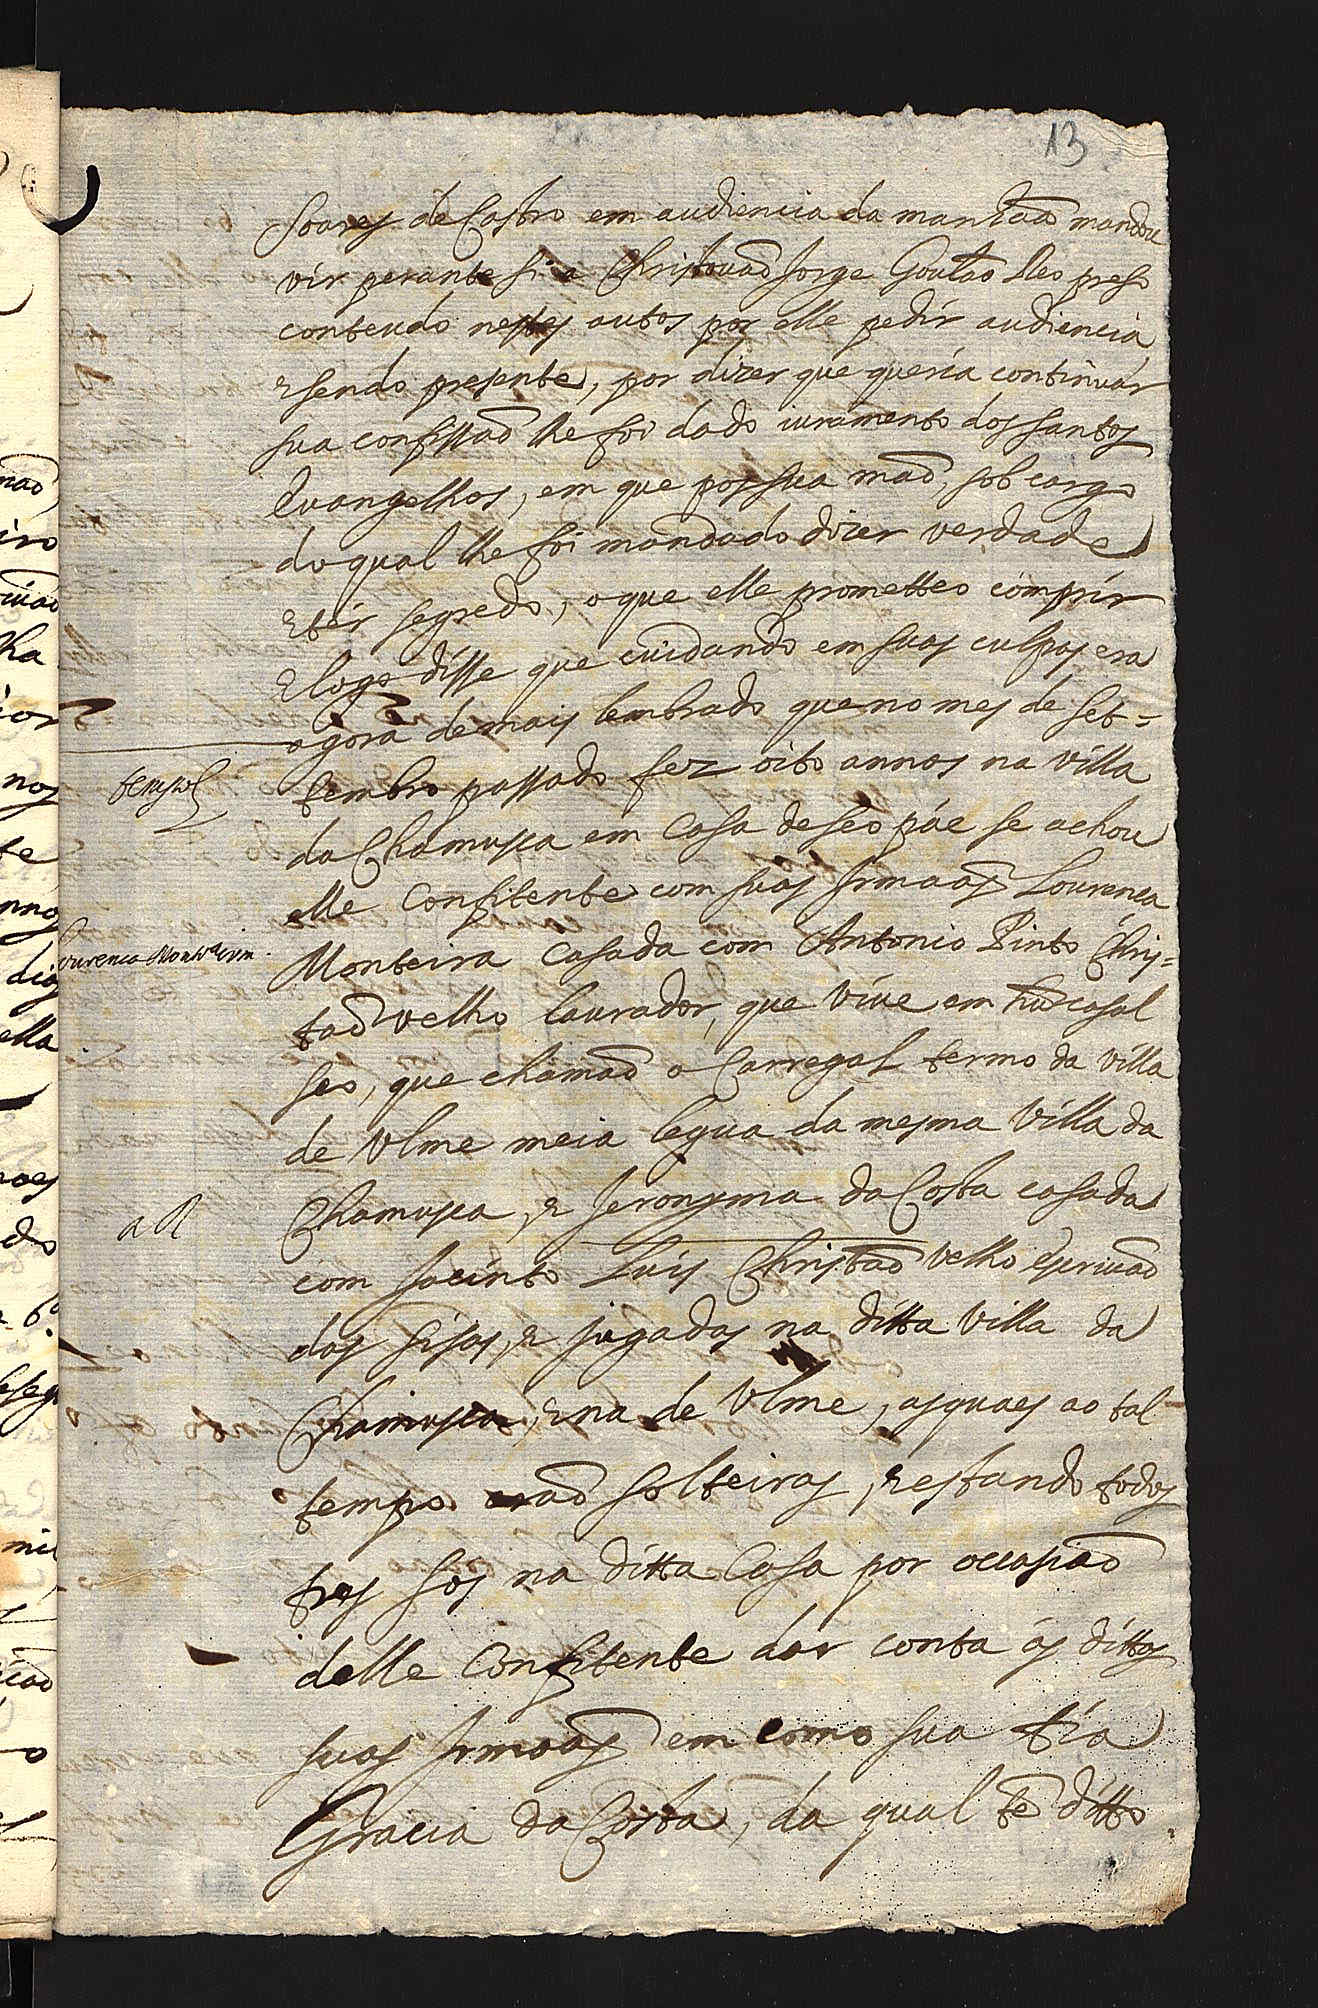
tempo
_ourenca Montraeira
a R
Soares de Castro em audiencia da manhaã mandou
vir perante si a Christouão Jorge Goulão Reo preso
conteudo nestes autos por elle pedir audicencia,
E sendo presente, por dizer que queria continuar
sua confissão lhe foi dado iuramento dos santos
euangelhos, em que pos sua maõ, sob cargo
do qual lhe foi mandado dizer verdade,
E ter segredo, o que elle prometteo comprir
E logo disse que cuidando em suas culpas era
agora de mais lembrado que no mes de set
tembro passado fez oito annos na villa
da Chamusca em Casa de seo páe se achou
elle Confitente com suas Jrmaãs Lourença
Monteira casada com Antonio Pinto Chris
taõ velho laurador, que viue em hū casal
seo, que chamaõ o CarregaL termo da villa
de Vlme meia legua da mesma Villa da
Chamusca, E Jeronyma da Costa casada
com Jacinto Luis Christaõ velho escriuaõ
das sisas, E jugadas na ditta villa da
Chamusca, E na de Vlme, as quaes ao tal
tempo eraõ solteiras, E estando todos
tres sos na ditta Casa por occasiaõ
delle Confitente dar conta ás dittas
suas Jrmaãs em como sua tia
Gracia da Costa, da qual tē ditto
